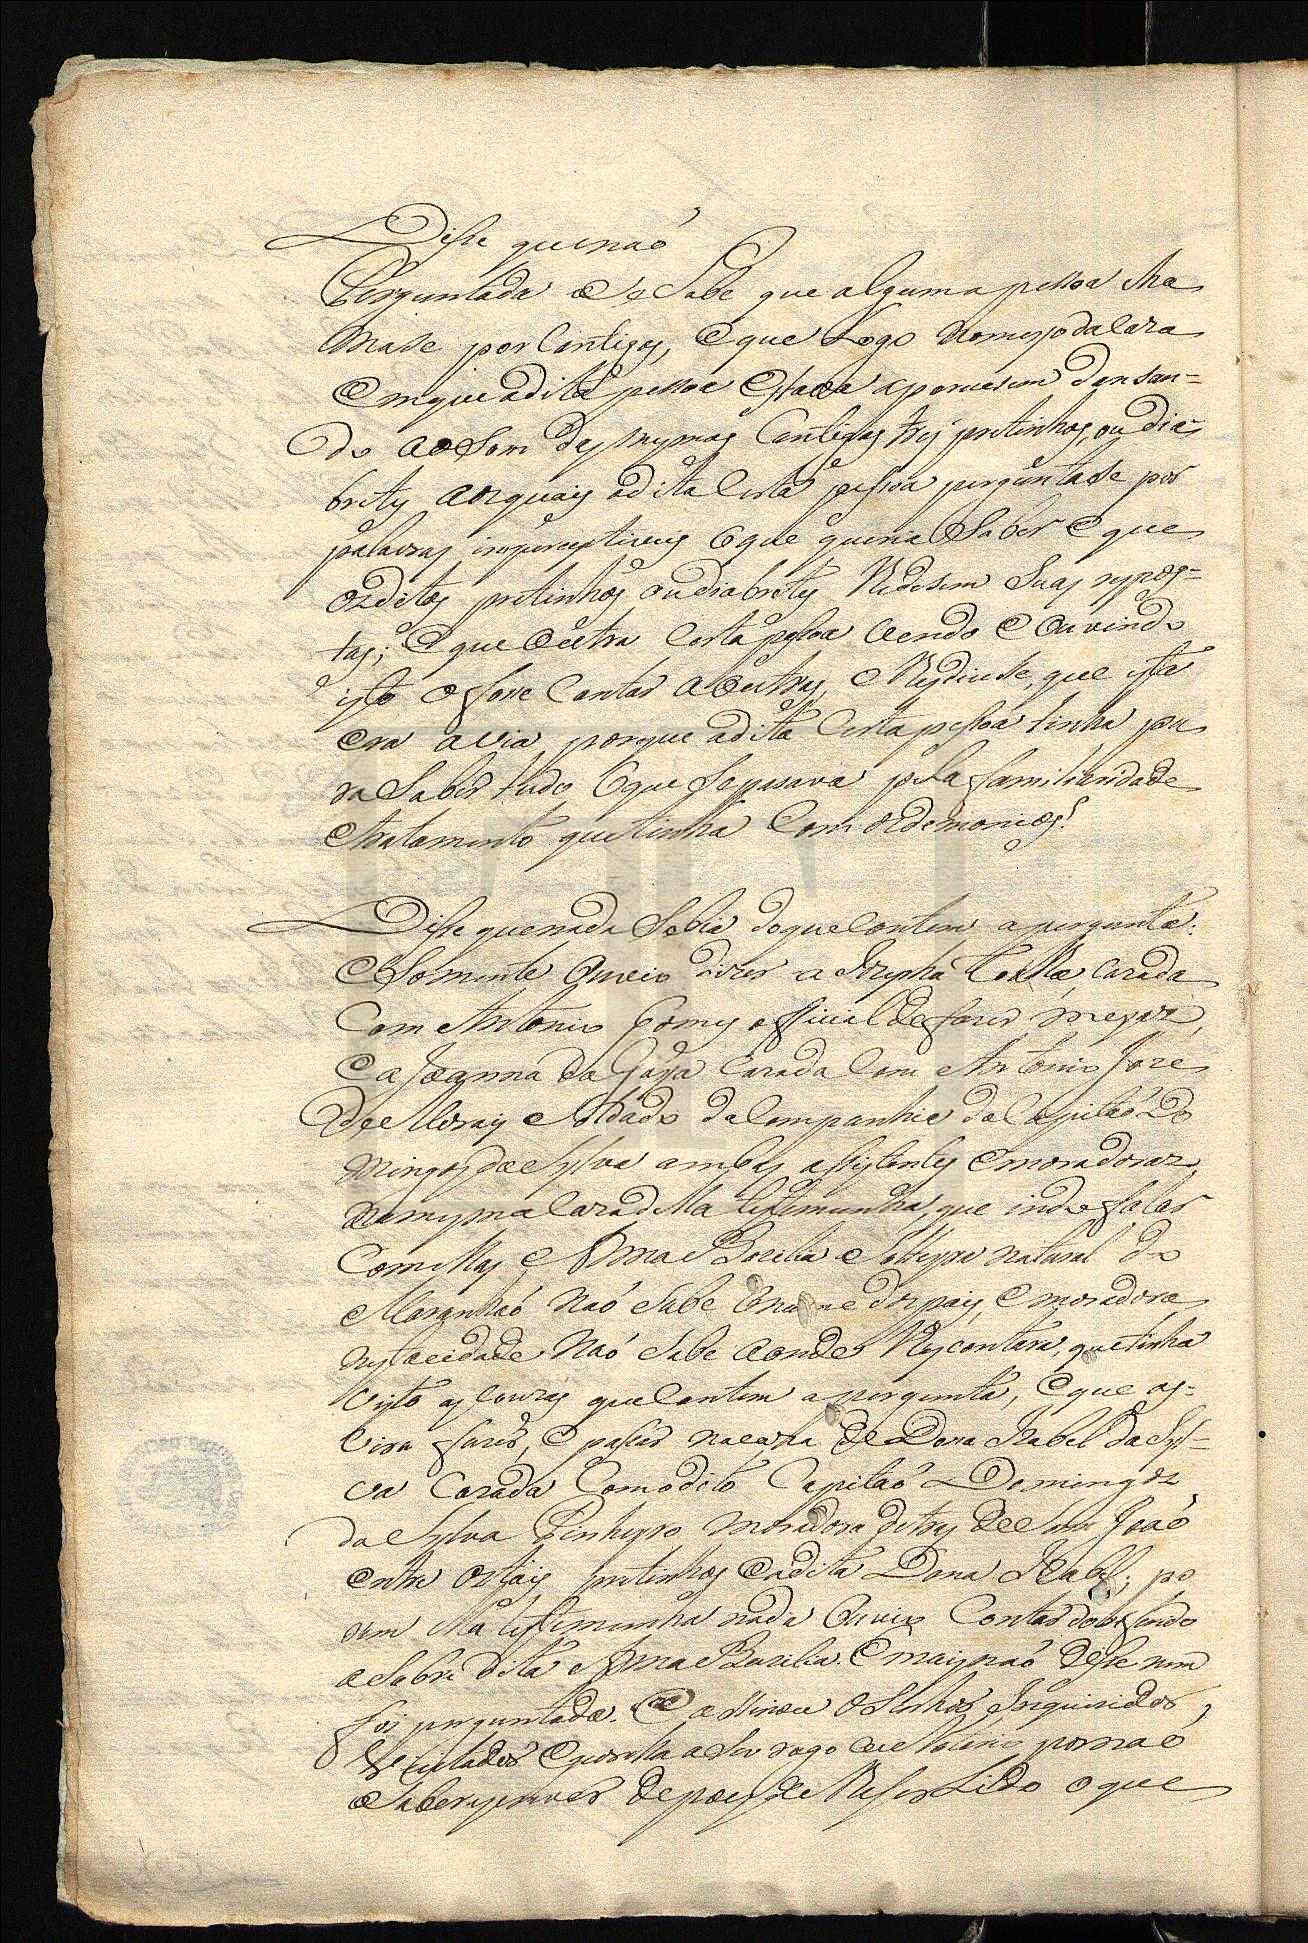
Disse que naõ
Perguntada se sabe que alguma pessoa cha
mase por cantigas, e que Logo no meyo da caza
em que a dita pessoa estava aparecesem dansan
do ao Som das mesmas Cantigas tres pretinhos, ou dia
bretes aoz quais a dita Certa pessoa perguntada se por
palavras inperceptiveis e que queria Saber e que
oz ditos pretinhos ou diabretes lhe desem Suas respos
tas; e que outra certa pessoa vendo e ouvindo
isto o fosse contar a outras, e lhe dicesse, que esta
era a via porque a dita certa pessoa tinha pa
ra Saber tudo O que Se pasava pela familiaridade
e tratamento que tinha Com oz demonios?
Disse que nada Sabia de que contem a pergunta:
e Somente Ouvio dizer a Jozepha Coelho, cazada
com Antonio Gomes official de fazer meyaz,
e a Joanna da Gaya cazada com Antonio Jozé
de Morais soldado da Companhia do Capitaõ Do
Mingos da Sylva ambos asistentes e moradorez
na mesma Caza della testemunha, que indo falar
Com ellas e Anna Bazilia Solteyra natural do
Maranhaõ naõ sabe o m__ e doz pais, e moradora
nesta cidade naõ sabe aonde lhes contara que tinha
visto as couzas que contem a pergunta, e que as
vira fazer, e passar na caza de Dona Izabel da Syl
va cazada Com o dito Capitaõ Domingoz
da Sylva Pinheyro moradora detras de Sam Joaõ
entre oz tais pretinhos e a dita Dona Isabel; po
rem ella testemunha nada Ouvio Contar do segredo
a Sobredita Anna Bazilia E mais naõ disse nem
foi perguntada. e assinou o senhor Inquisidor
Visitador e por ella a Seu rogo eu Notario por naõ
o saber escrever depois de lhe ser Lido o que
